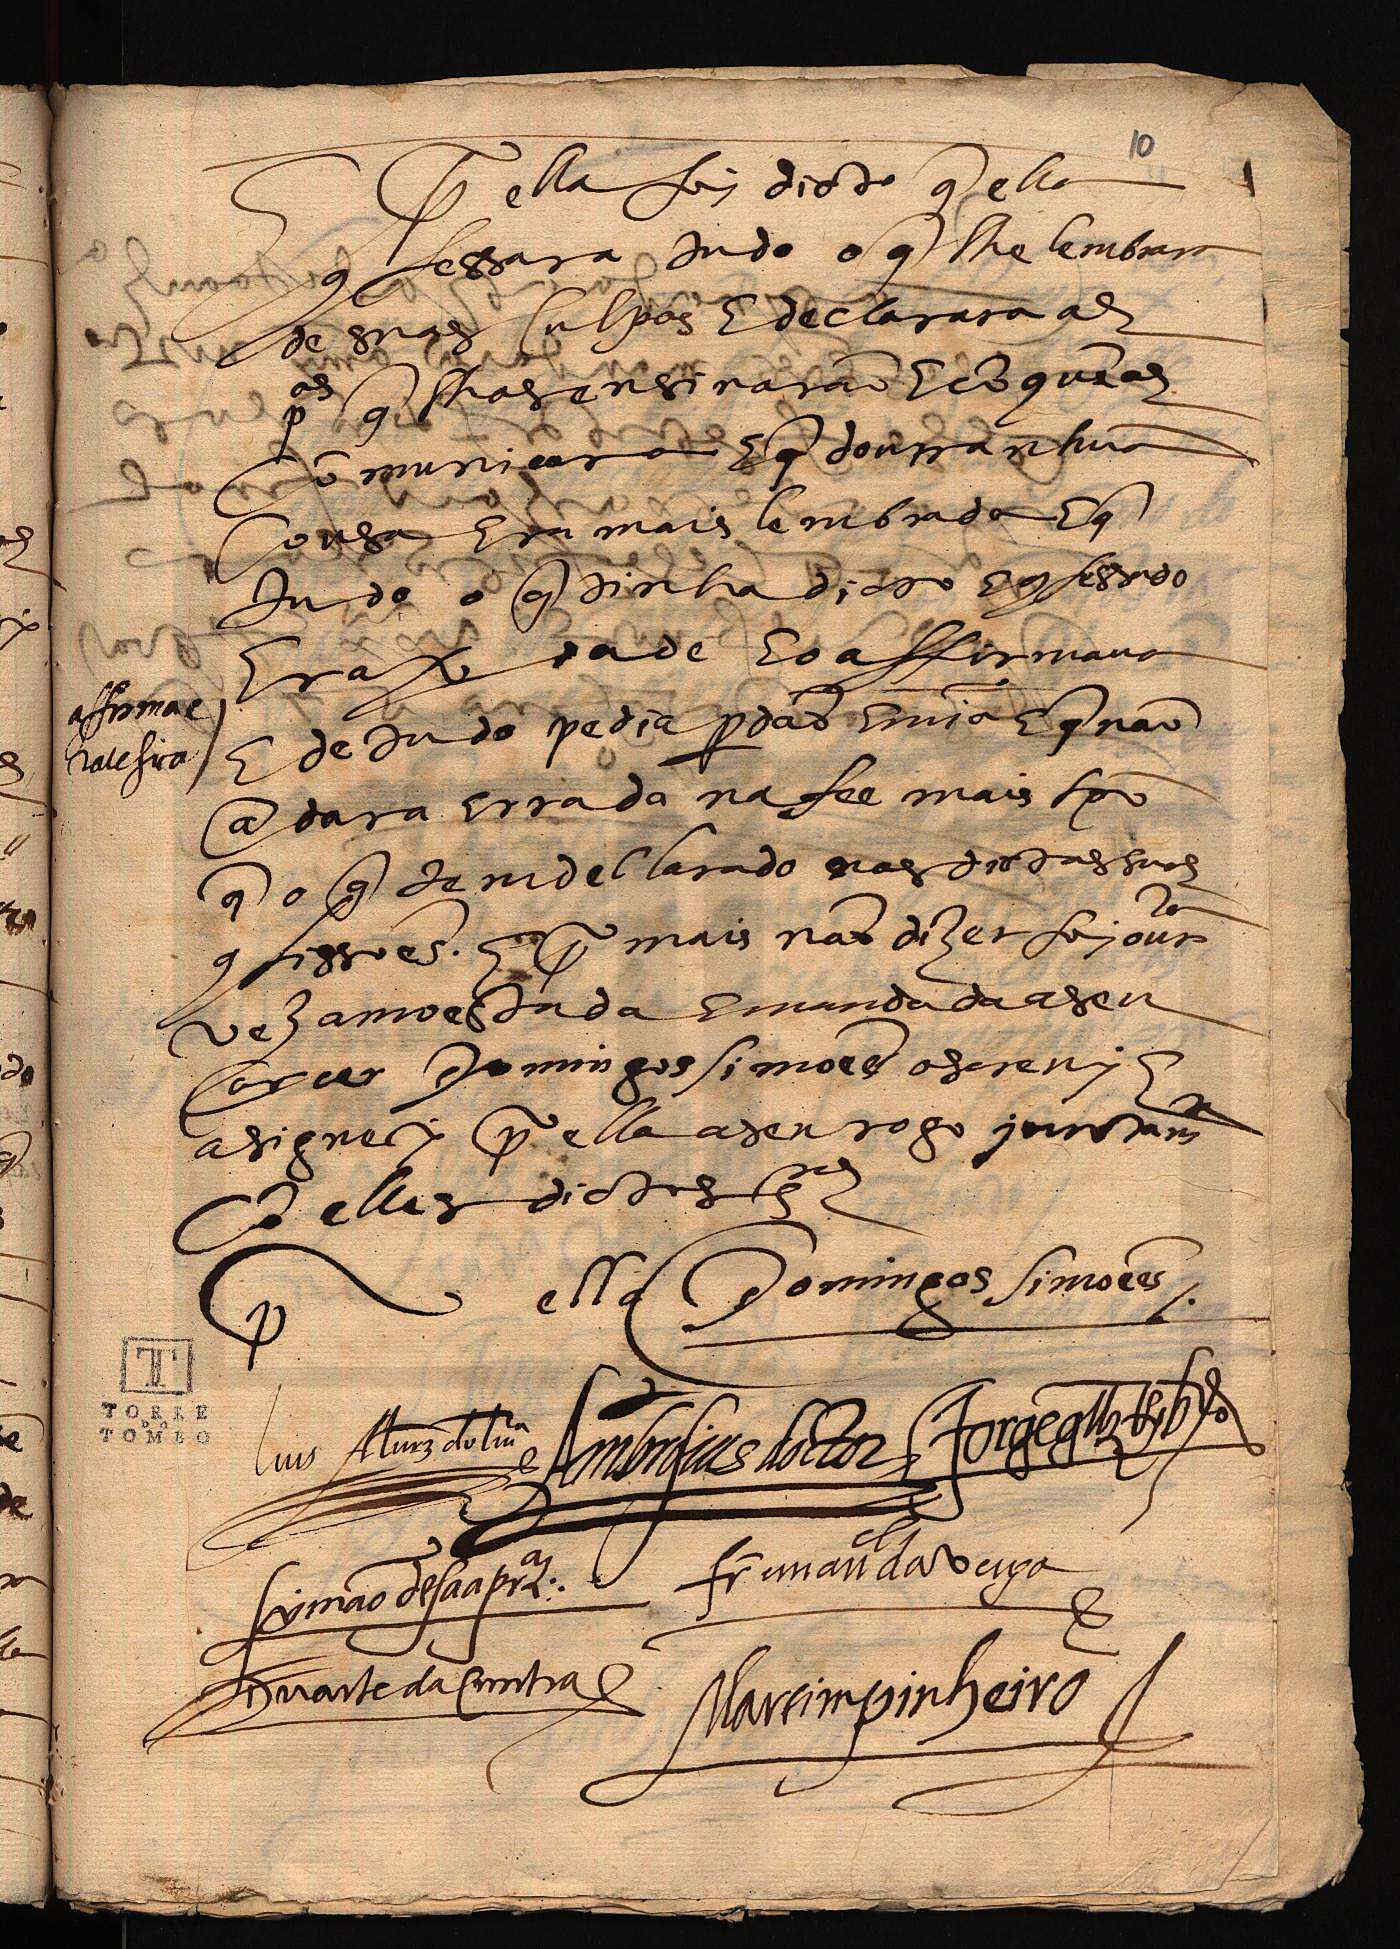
affirma e
ratefica
E p̄o ella foj dicto q̄ ella
ꝯfessara tudo o q̄ lhe lembrara
de suas Culpas E declarara as
pas q̄ lhas ensinaraõ E cō quē as
Cōmunicara E q̄ doutra nhuā
Cousa Era mais lembrada E q̄
tudo o q̄ tinha dicto E ꝯfessado
Era ꝟdade E o affirmaua
E de tudo pedia ꝑdaõ E mīa E q̄ naõ
ādara Errada na fee mais tpō
q̄ o q̄ tem declarado nas dictas suas
ꝯfissoẽs E p̄o mais naõ dizer foj outra
vez amoestada E mandada a seu
Carcer Domingos Simoeẽs o screuy E
asigney p̄o ella a seu rogo junctamte
Cō elles dictos sres
p̄o ella Domingos Simoeẽs
